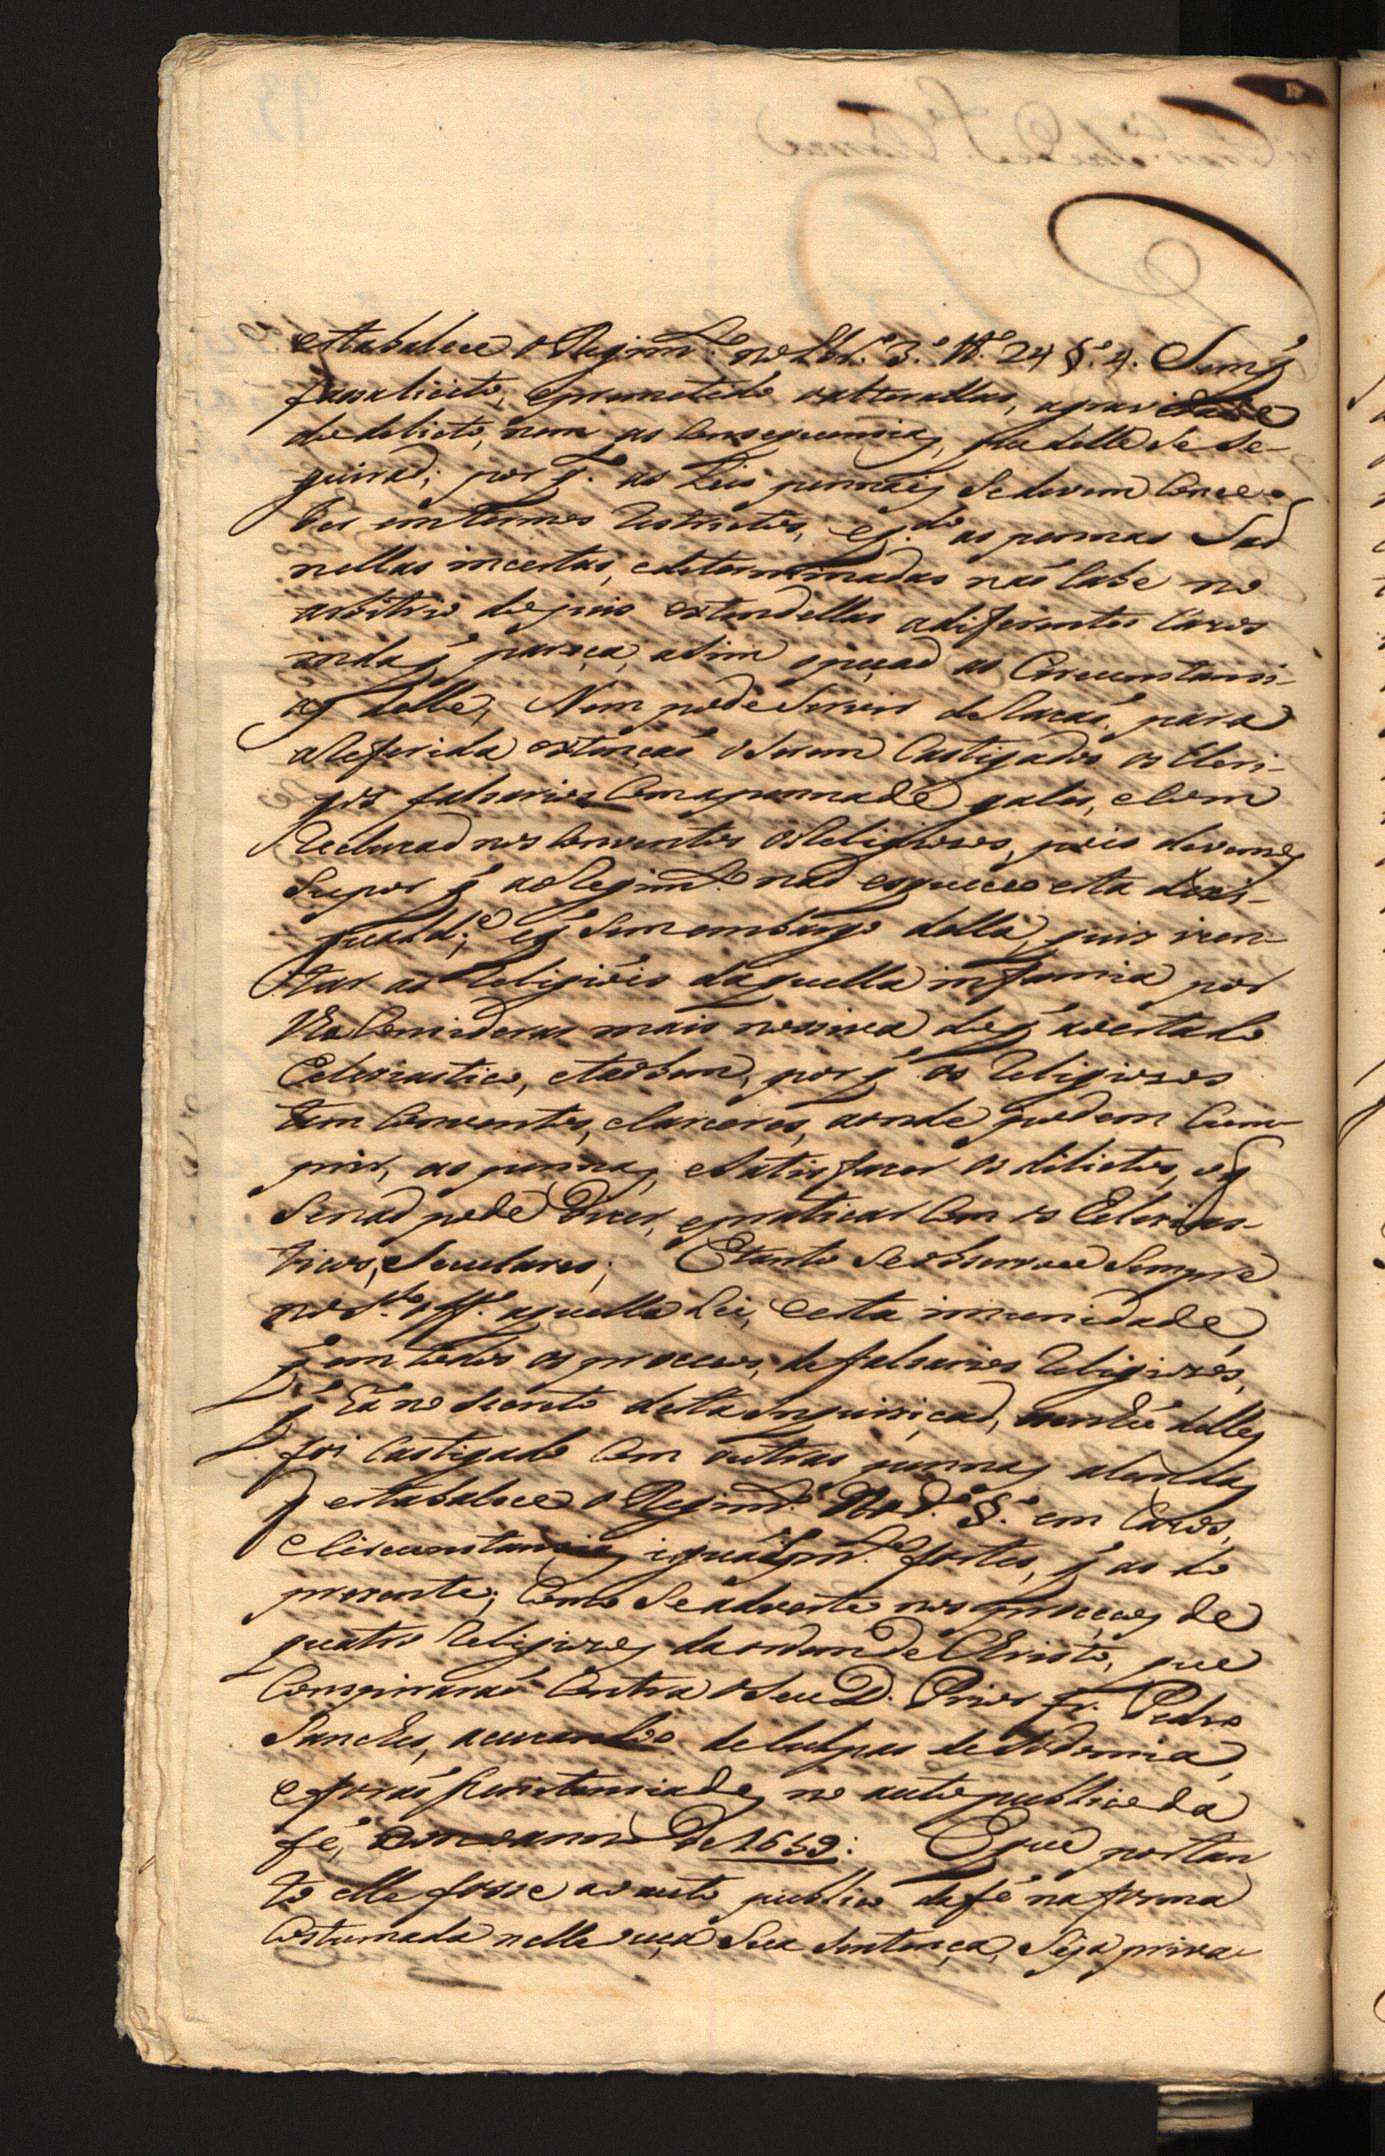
estabelece o Regim.to no Lbr.o 3.o tt.o 24 §.o 4. Sem q̄
fosse licito, e prometido a alterallas, a gravidade
do delicto, nem as consequensias, que delle se se
guiraõ; porq.to as Leis pennais se devem Conce
ber em termos Restrictos, e q.do as pennas Saõ
nellas incertas, e determinadas naõ Cabe no
arbitrio do juis extendellas a diferentes Cazos
inda q̄ pareça, asim o peçaõ as Cercunstansi
as delle; Nem pode seruir de Razaõ para
a Referida extençaõ o Serem Castigados os Cleri
gos falsarios Com a penna de gales, e Com
Recluzaõ nos Conventos os Religiozos, pois devemos
Supor q̄ ao Regim.to naõ esqueceo esta dezi
guald;e e q̄ sem embargo della, juiz izen
tar as Religiõis daquella infamia por
lha considerar mais nossiva do q̄ ao estado
Ecleziastico, e taõbem, por q̄ os Religiozos
tem Conventos, e Carceres, aonde podem Cum
prir, as pennas, e Satisfazer os dilictos, o q̄
Se naõ pode dizer, e praticar Com os Eclesias
ticos, Seculares; E tanto se observou Sempre
no S.to off.o aquella Lei, e esta imunidade,
q̄ em todos os procesos, de falsarios Religiozos,
q̄ há no secreto desta Inquiziçaõ, nenhū delles
foi Castigado com outras pennas alem das
q̄ estabelece o Regim.to no d.o §.o em Cazos,
e Circunstancias igualm.te fortes, q̄ as do
prezente; Como se adverte nos proceços de
quatro Religiozos da ordem de Christo, que
Conspiraraõ Contra o seu D. Prior Fr. Pedro
Sanches, acuzandoo de Culpas de Sodomia,
e foraõ penitensiados no auto publico da
fé, em os anoz de 1659: E que portan
to elle fosse ao auto publico de fé na forma
costumada nelle ouça Sua Sentença, e Seja priva
